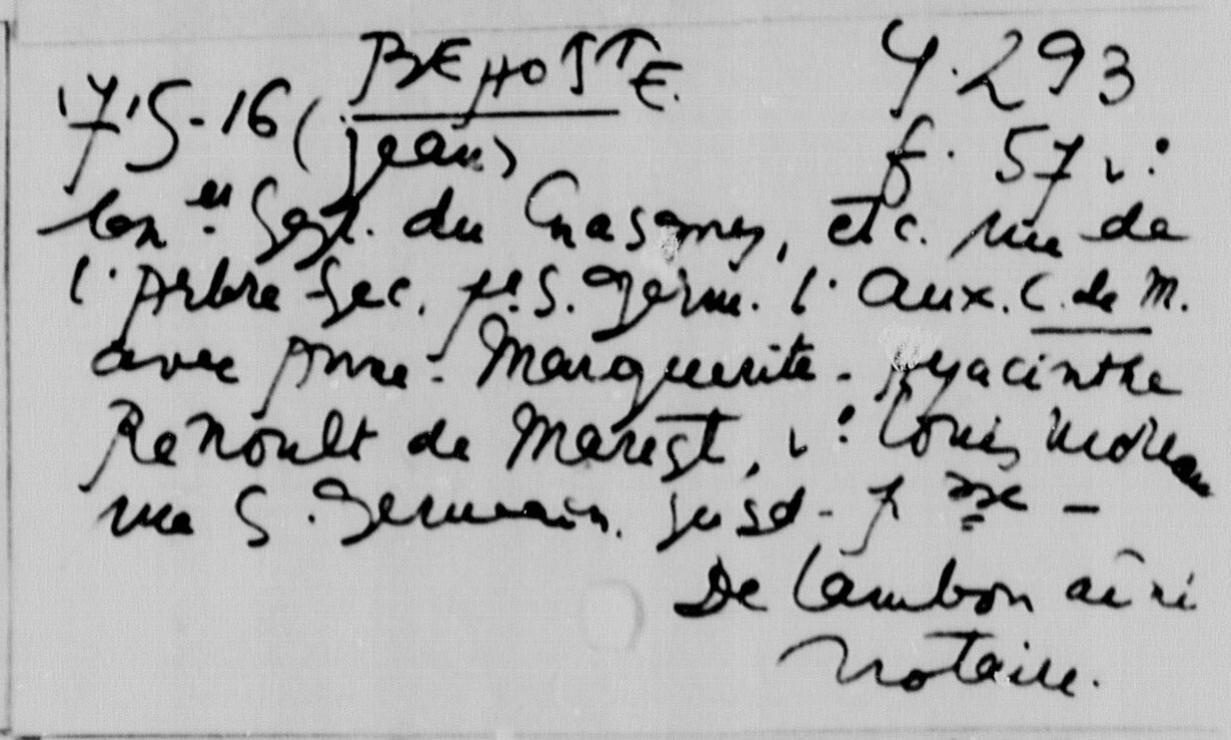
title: BEHOTTE (Jean)
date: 1715-1716
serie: Y
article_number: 293
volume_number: fol. 57v
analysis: Chevalier seigneur du Chasgny, etc. rue de l'Arbre-Sec, paroisse Saint-Germain-l'Auxerrois. Contrat de mariage avec Anne-Marguerite-Hyacinthe RENOULT de MAREST, veuve Louis Moreau, rue Saint-Germain, susdite paroisse. De Lambon aîné, notaire.
